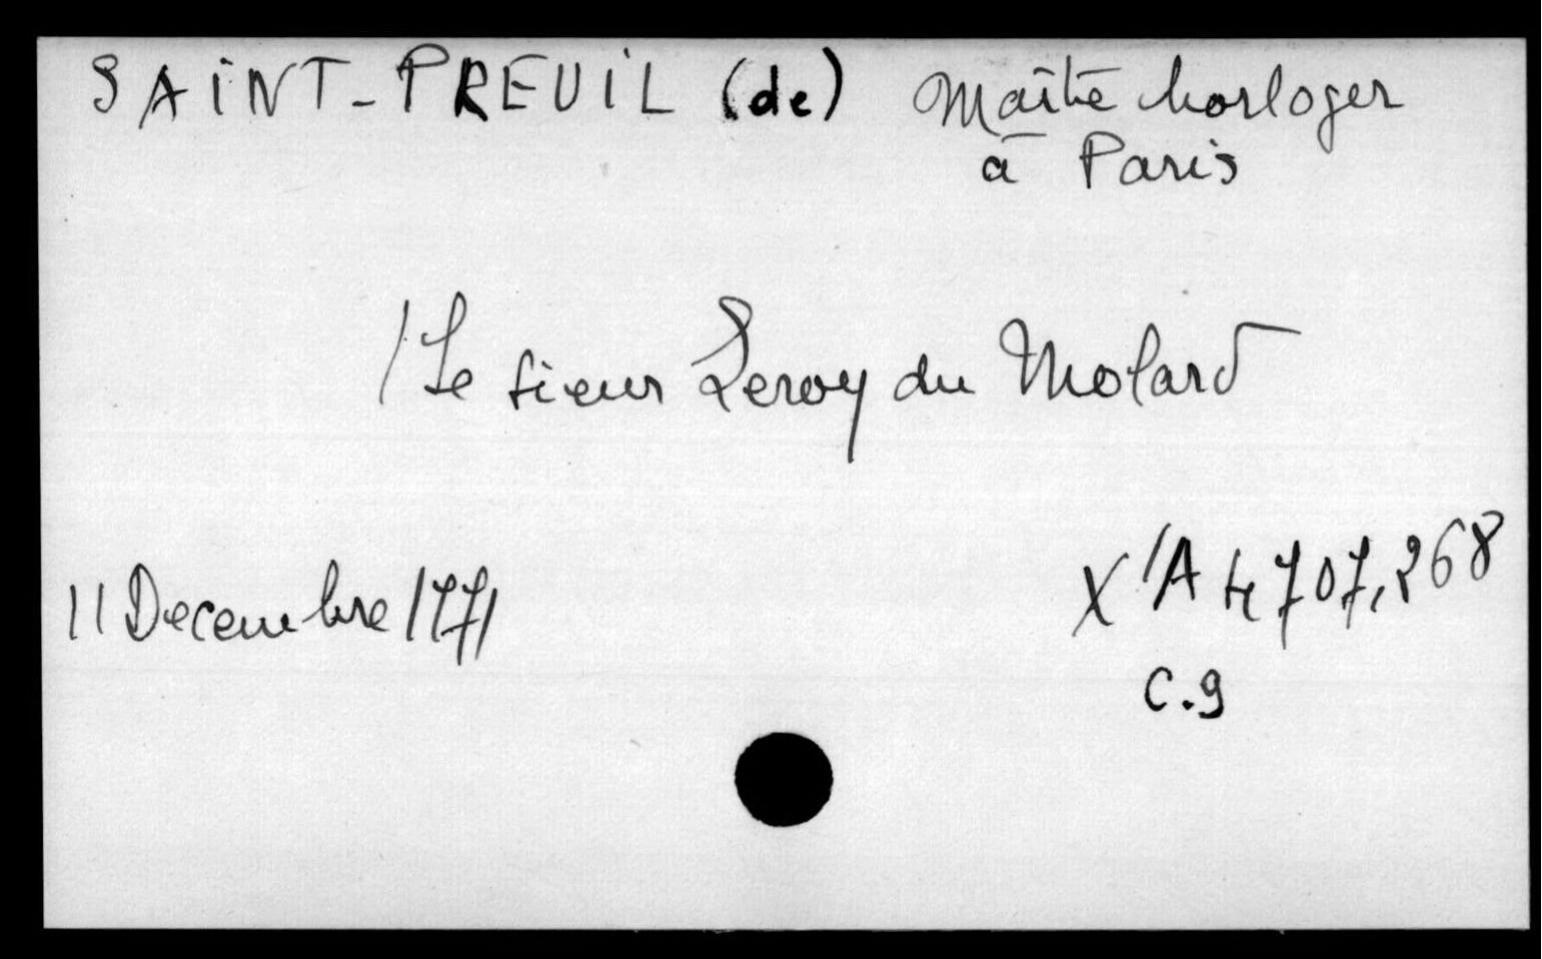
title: SAINT-PREUIL (de) Maître horloger à Paris
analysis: Contre le sieur Leroy du Molard
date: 11 décembre 1771
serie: X1A
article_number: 4707
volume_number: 268 Conseil 9
